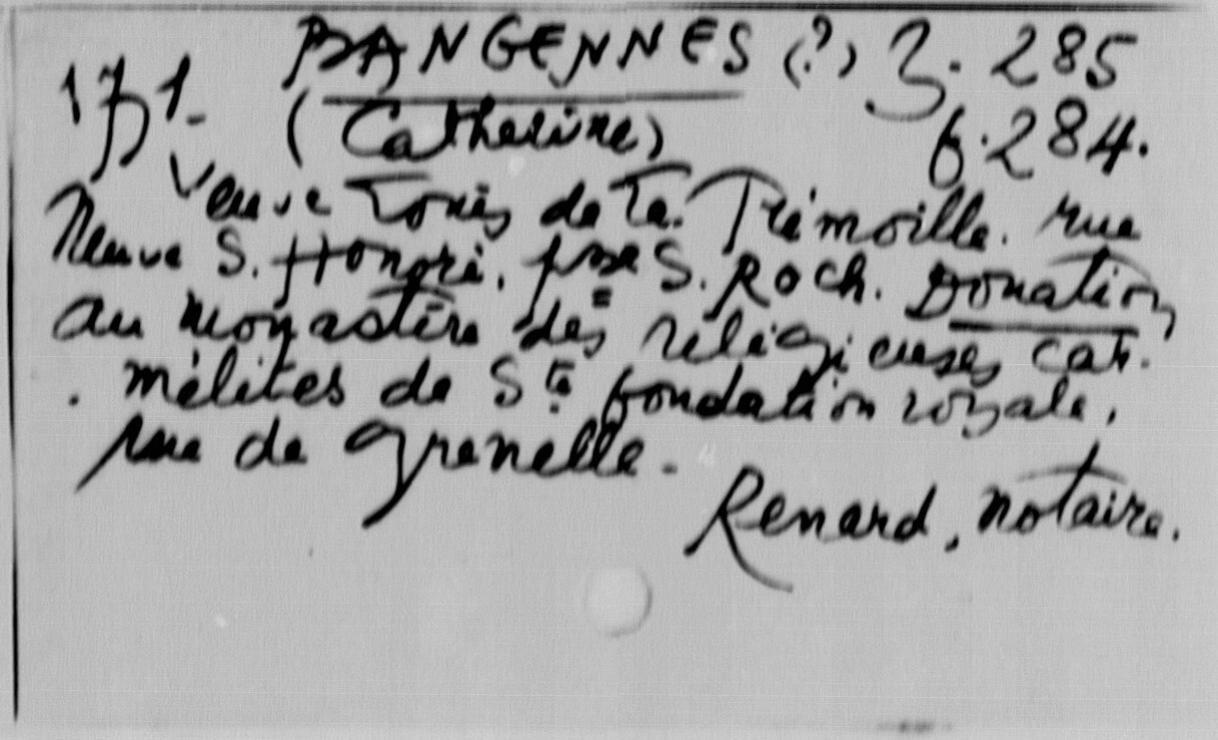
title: BANGENNES (Catherine)
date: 1711
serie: Y
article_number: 285
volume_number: folio 284
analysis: Veuve Louis de La Trémoille, rue Neuve Saint Honoré, paroisse Saint-Roch Donation au monastère des religieuses carmélites de Sainte fondation royale, rue de Grenelle. Renard, notaire.
